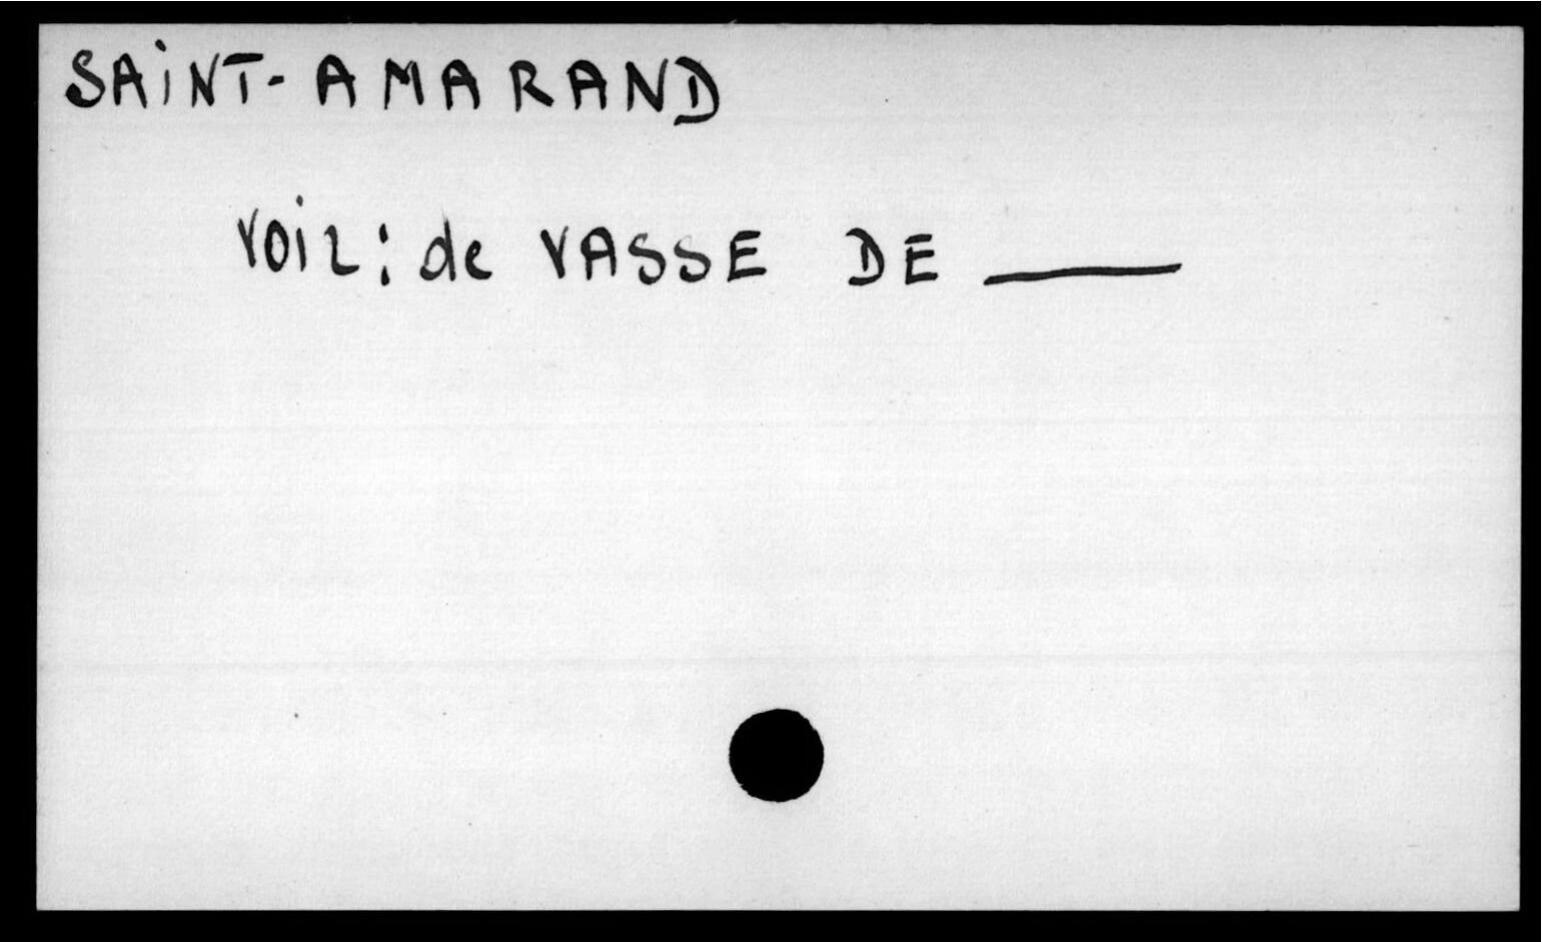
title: SAINT-AMARAND
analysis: VOIR : de VASSE DE
